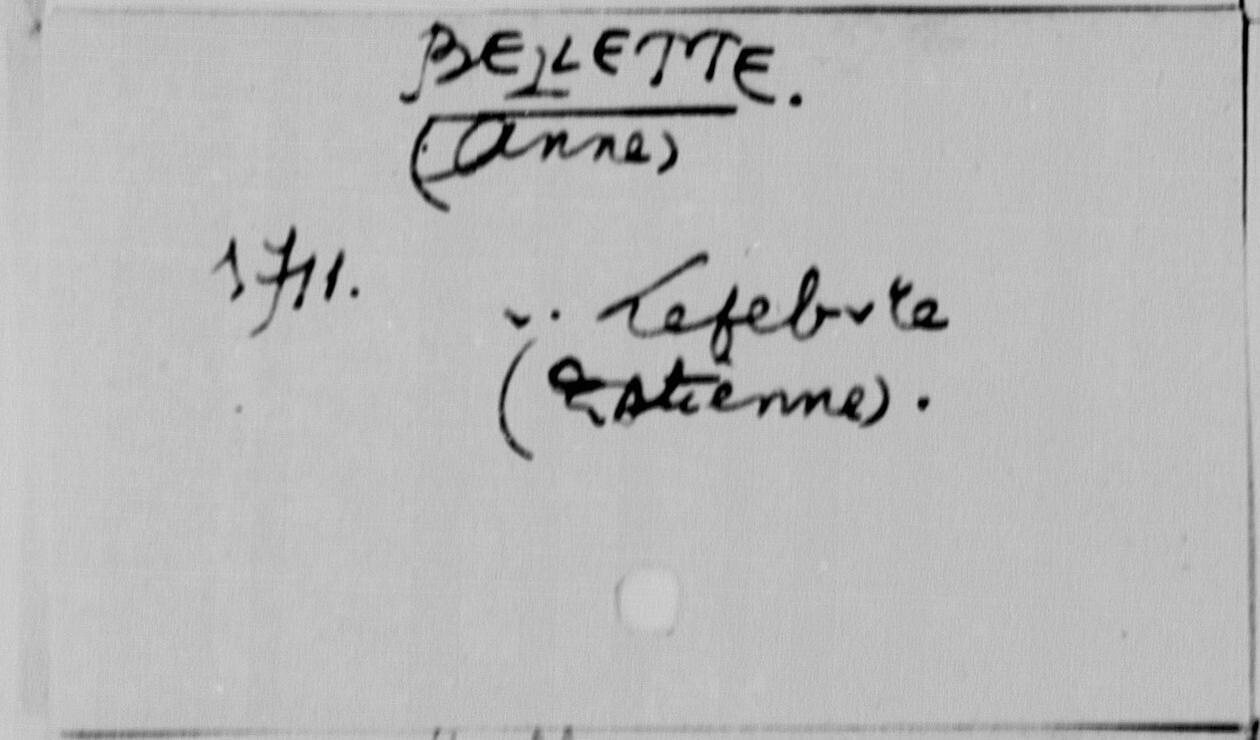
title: BELLETTE (Anne)
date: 1711
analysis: Voir Lefebvre (Estienne)
